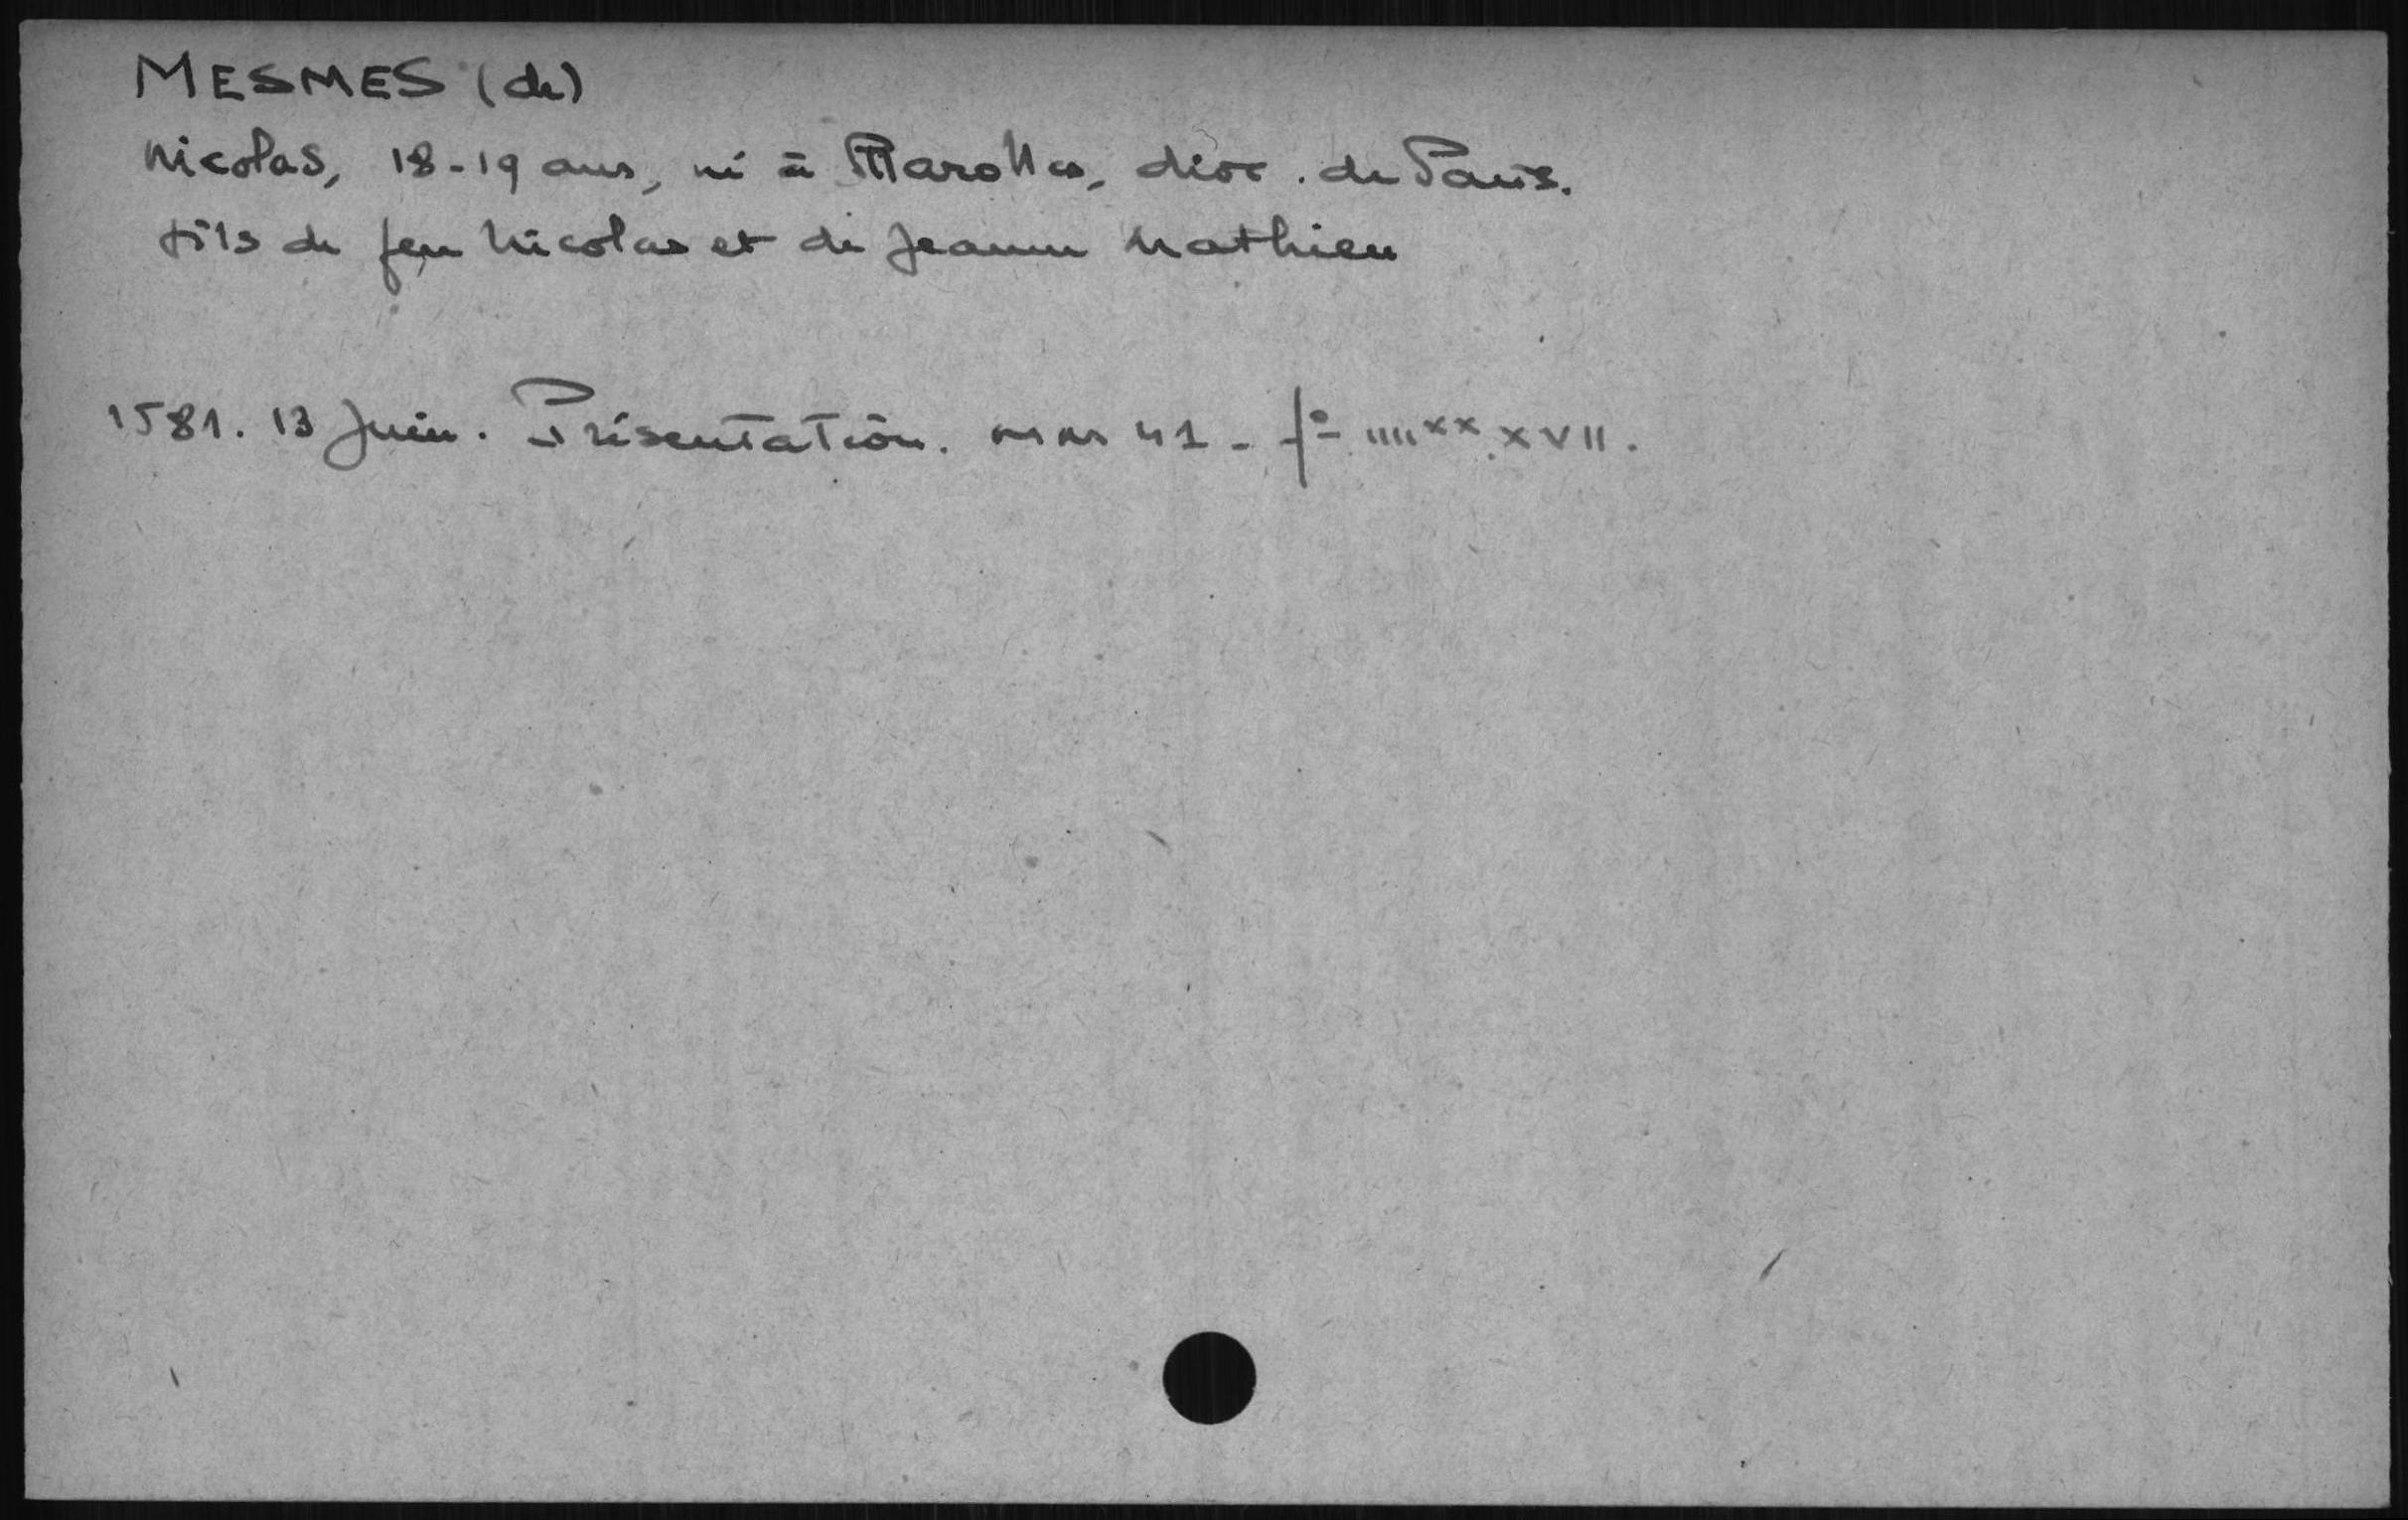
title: MESME (de) Nicolas, 18-19 ans, né à Marolles, diocèse de Paris fils de feu Nicolas et de Jeanne Mathieu
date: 1581, 13 juin
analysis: Présentation.
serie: MM
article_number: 41
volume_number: fol. IIIIXX XVII
